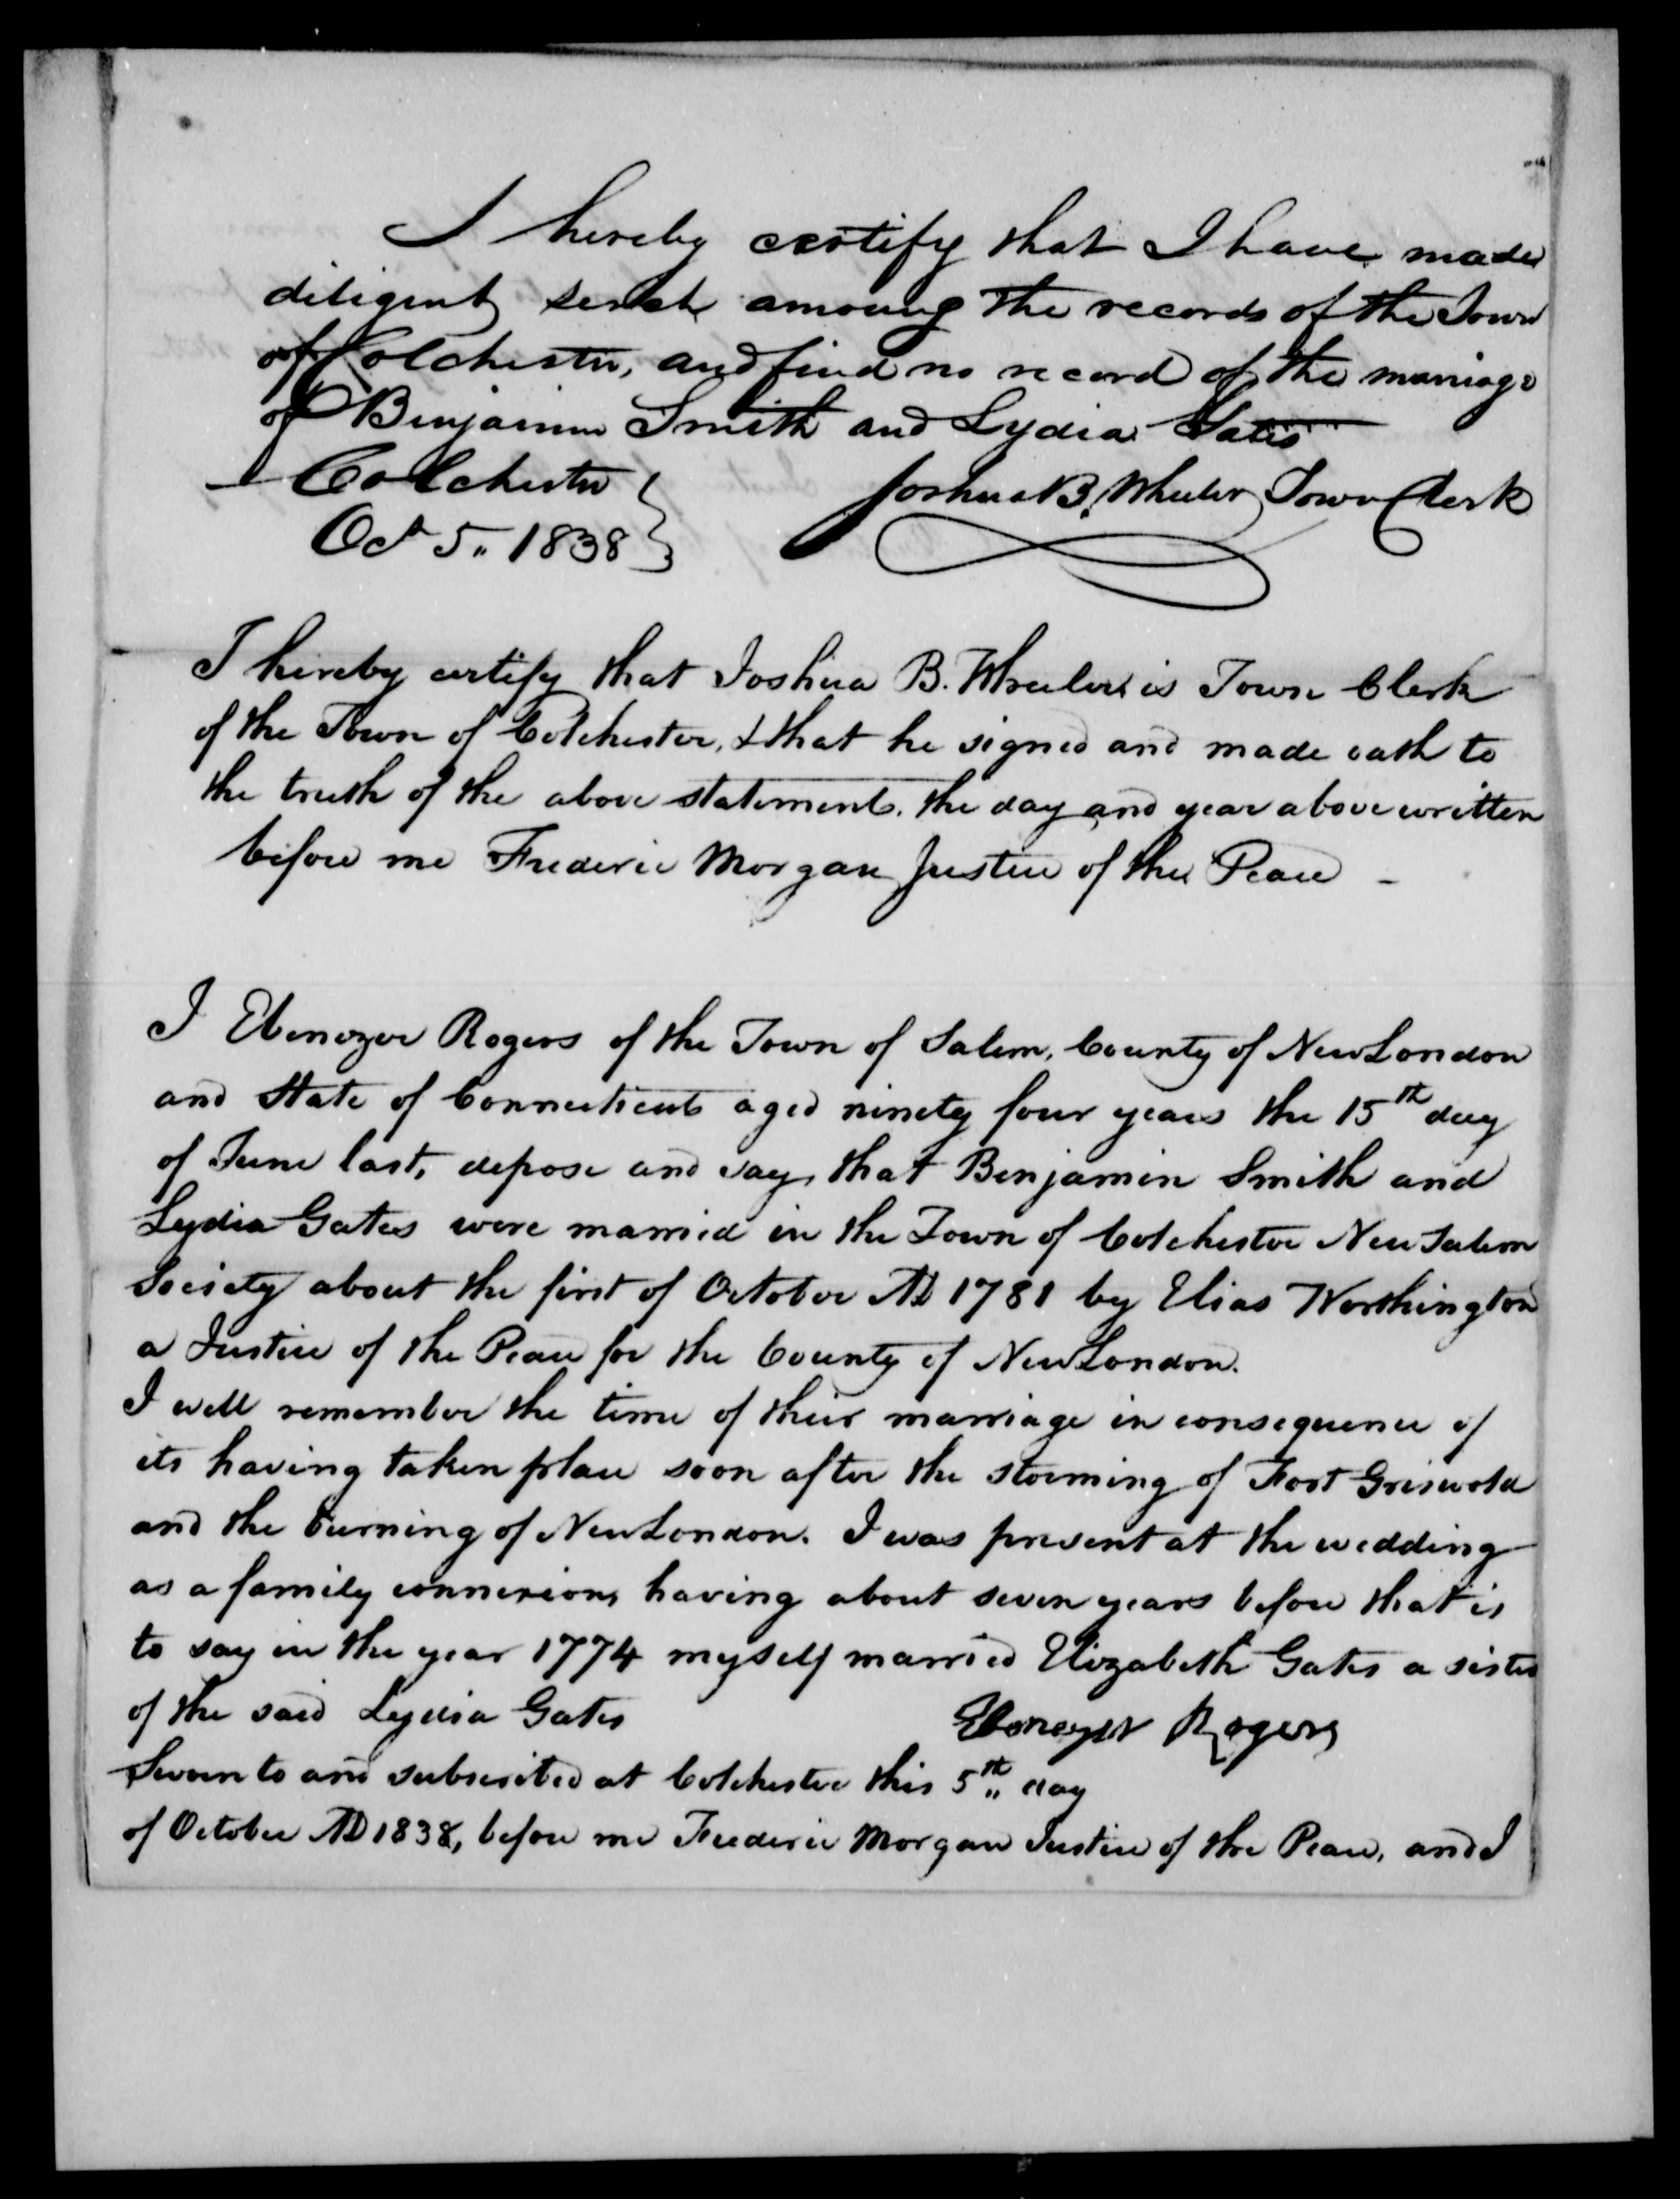I hereby certify that I have made diligent search among the records of the town of Colchester and find no record of the marriage of Benjamin Smith and Lydia Gates
Joshua B. Wheeler Town Clerk
Colchester Oct. 5, 1838

I hereby certify that Joshua B. Wheeler is Town Clerk of the town of Colchester & that he signed and made oath to the truth of the above statements the day and year above written before me Frederic Morgan Justice of the Peace

I Ebenezer Rogers of the town of Salem, county of New London and the state of Connecticut age ninety four years the 15 day of June last, depose and say that Benjamin Smith and Lydia Gates were married in the town of Colchester New Salem Society about the first of October AD1781 by Elias Wortington a Justice of the Peace for the county of New London.
I well remember the time of their marriage in consequence to having taken place soon after the storming of Fort Griswold and the burning of New London. I was present at the wedding as a family communion having about seven years before that is to say in the year 1774 myself married Elizabeth Gates a sister of the said Lydia Gates
[signed] Ebenezer Rogers

Sworn to and subscribed at Colchester this 5'th day of October AD 1838 before me Frederic Morgan Justice of the Peace and I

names: Elizabeth Gates; Joshua B Wheeler; Elias Worthington; Ebenezer Rogers; Benjamin Smith; Lydia Gates; Frederic Morgan; Benjamin Smith; Joshua B Wheeler; Ebenezer Rogers; Lydia Gates; Frederic Morgan; Lydia Gates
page: 4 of 19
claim: rejected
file: R 9792, for Benjamin Smith, Connecticut